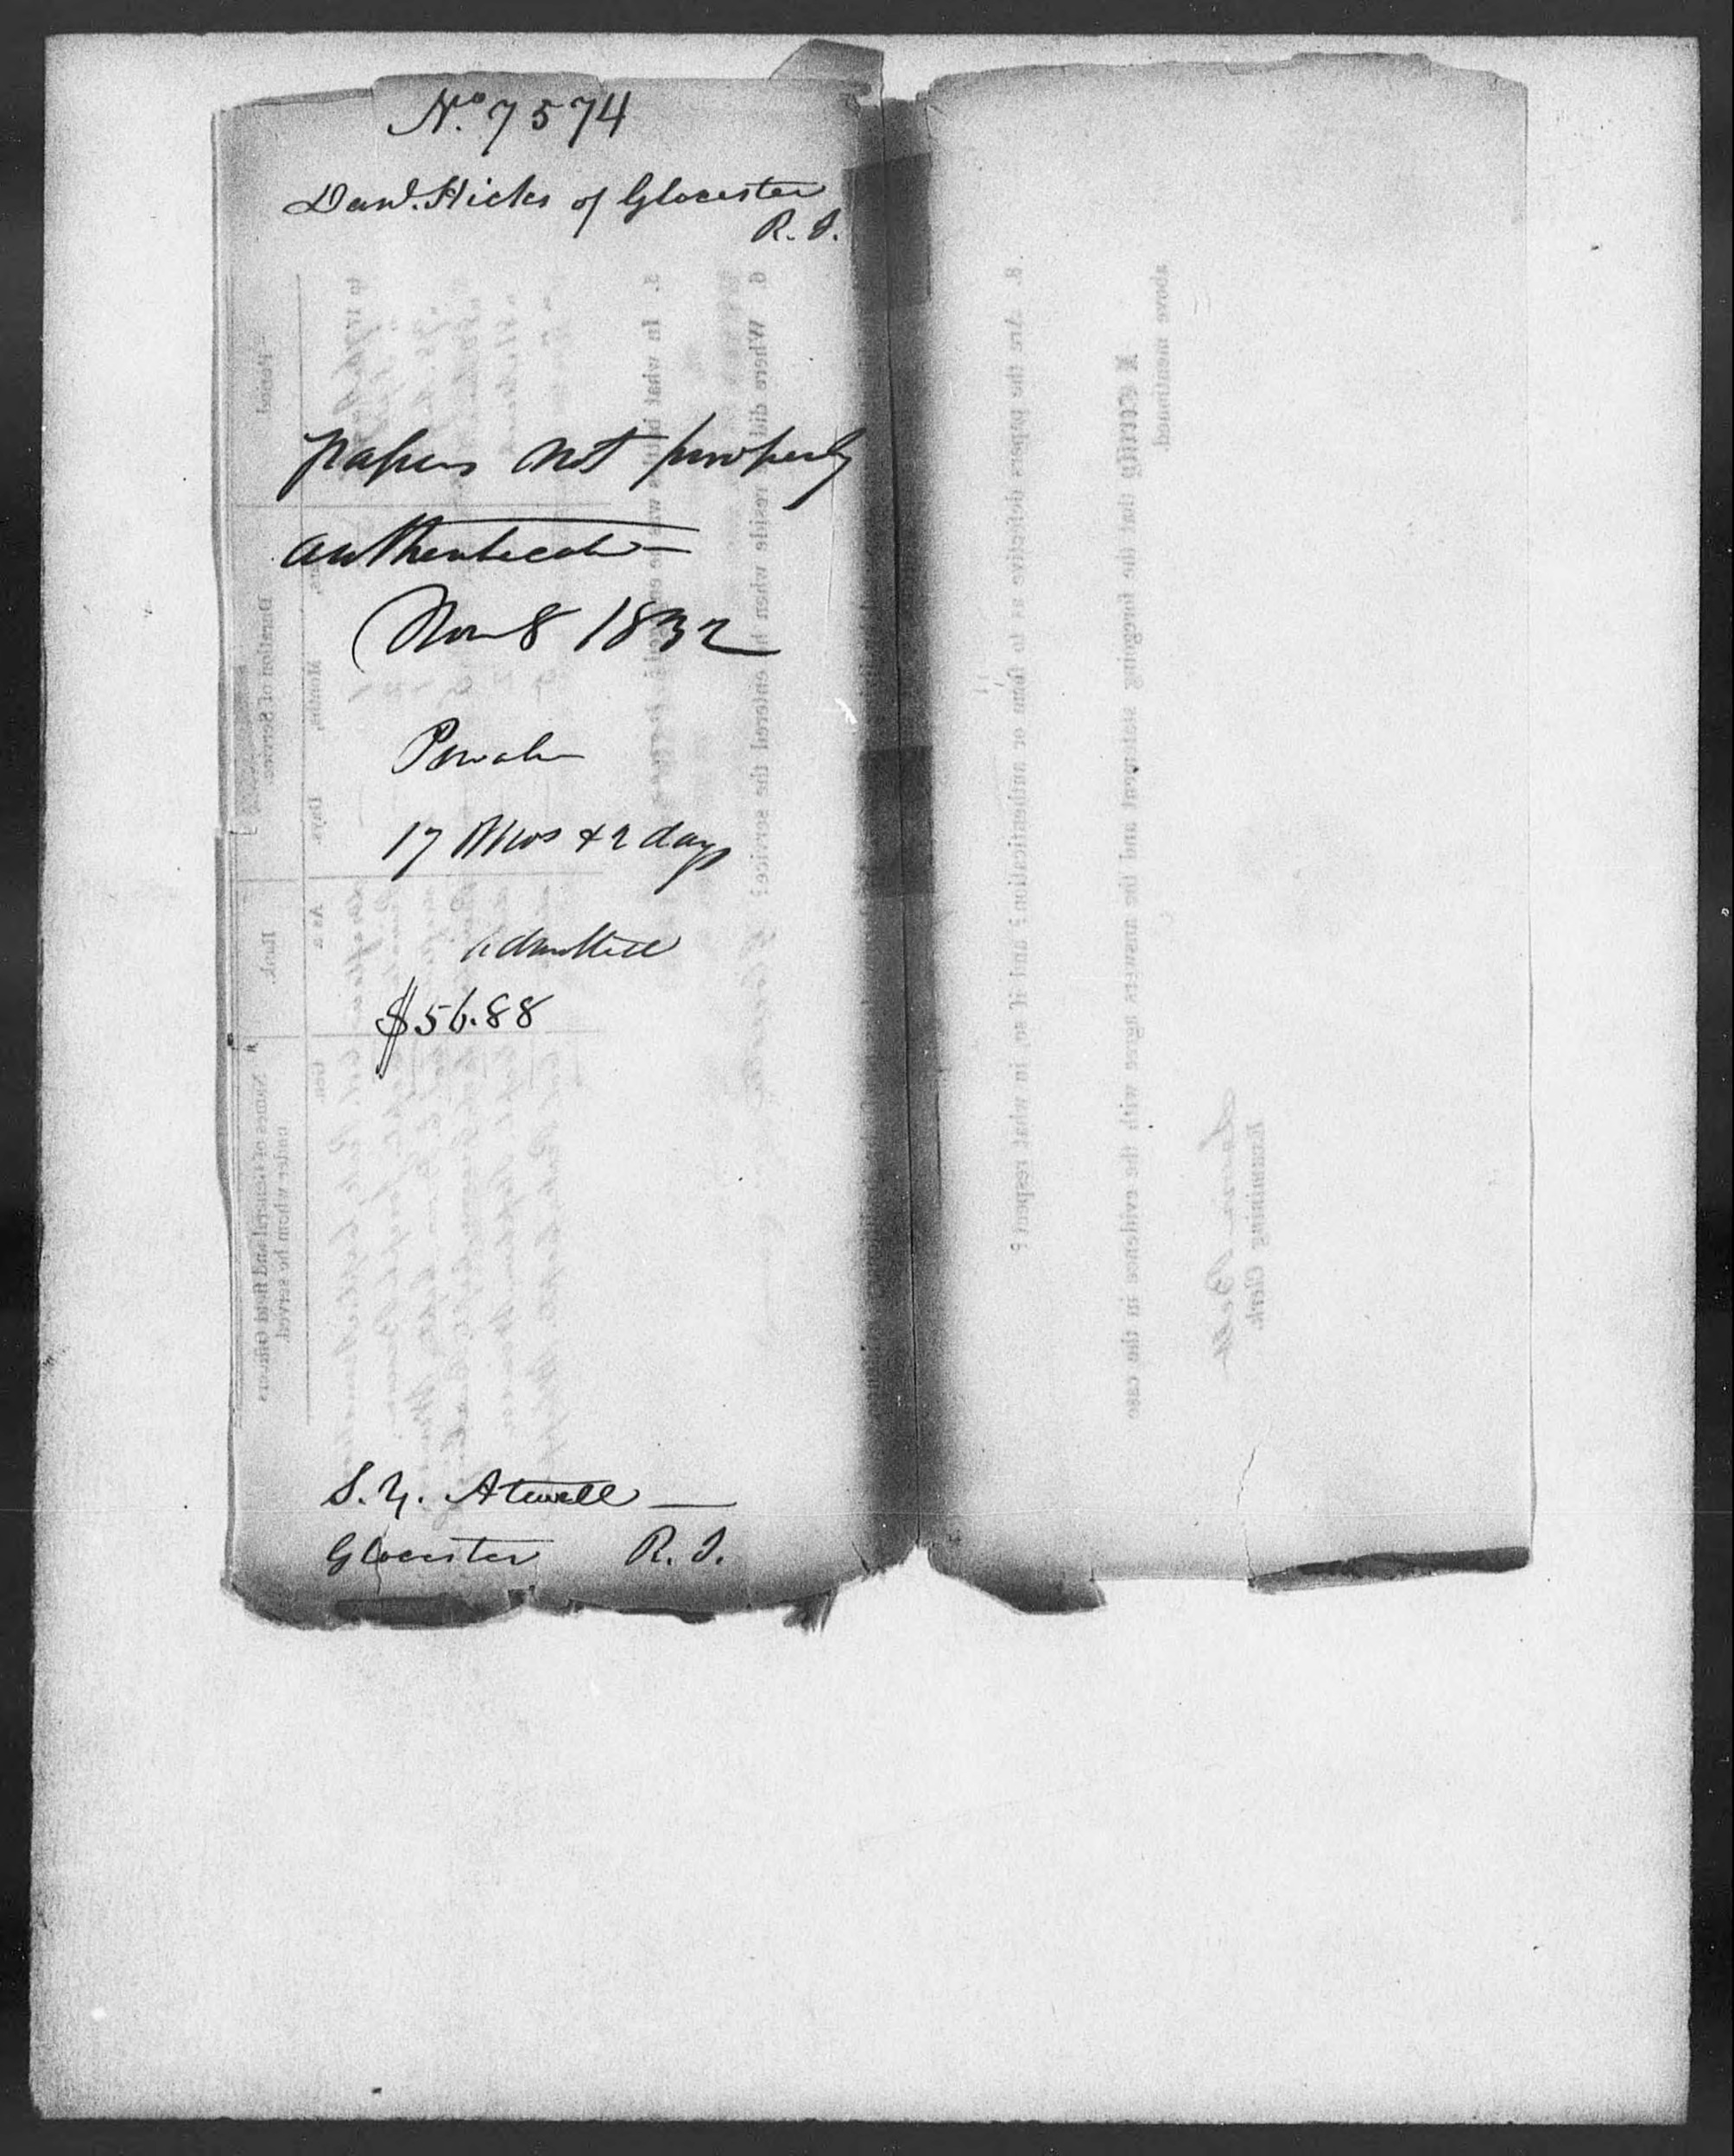No. 7574
Danl. Hicks of GLoucester, R.I.

papers jot properly 
authenticated
Nov 8 1832
[illegible]

17 mos & 2 days
Admitted
$56.88

S Y Atwell
Glocester R.I.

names: S Y Atwell, Danl Hicks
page: 14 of 17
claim: survivor's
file: S. 21285, Daniel Hicks, R.I.